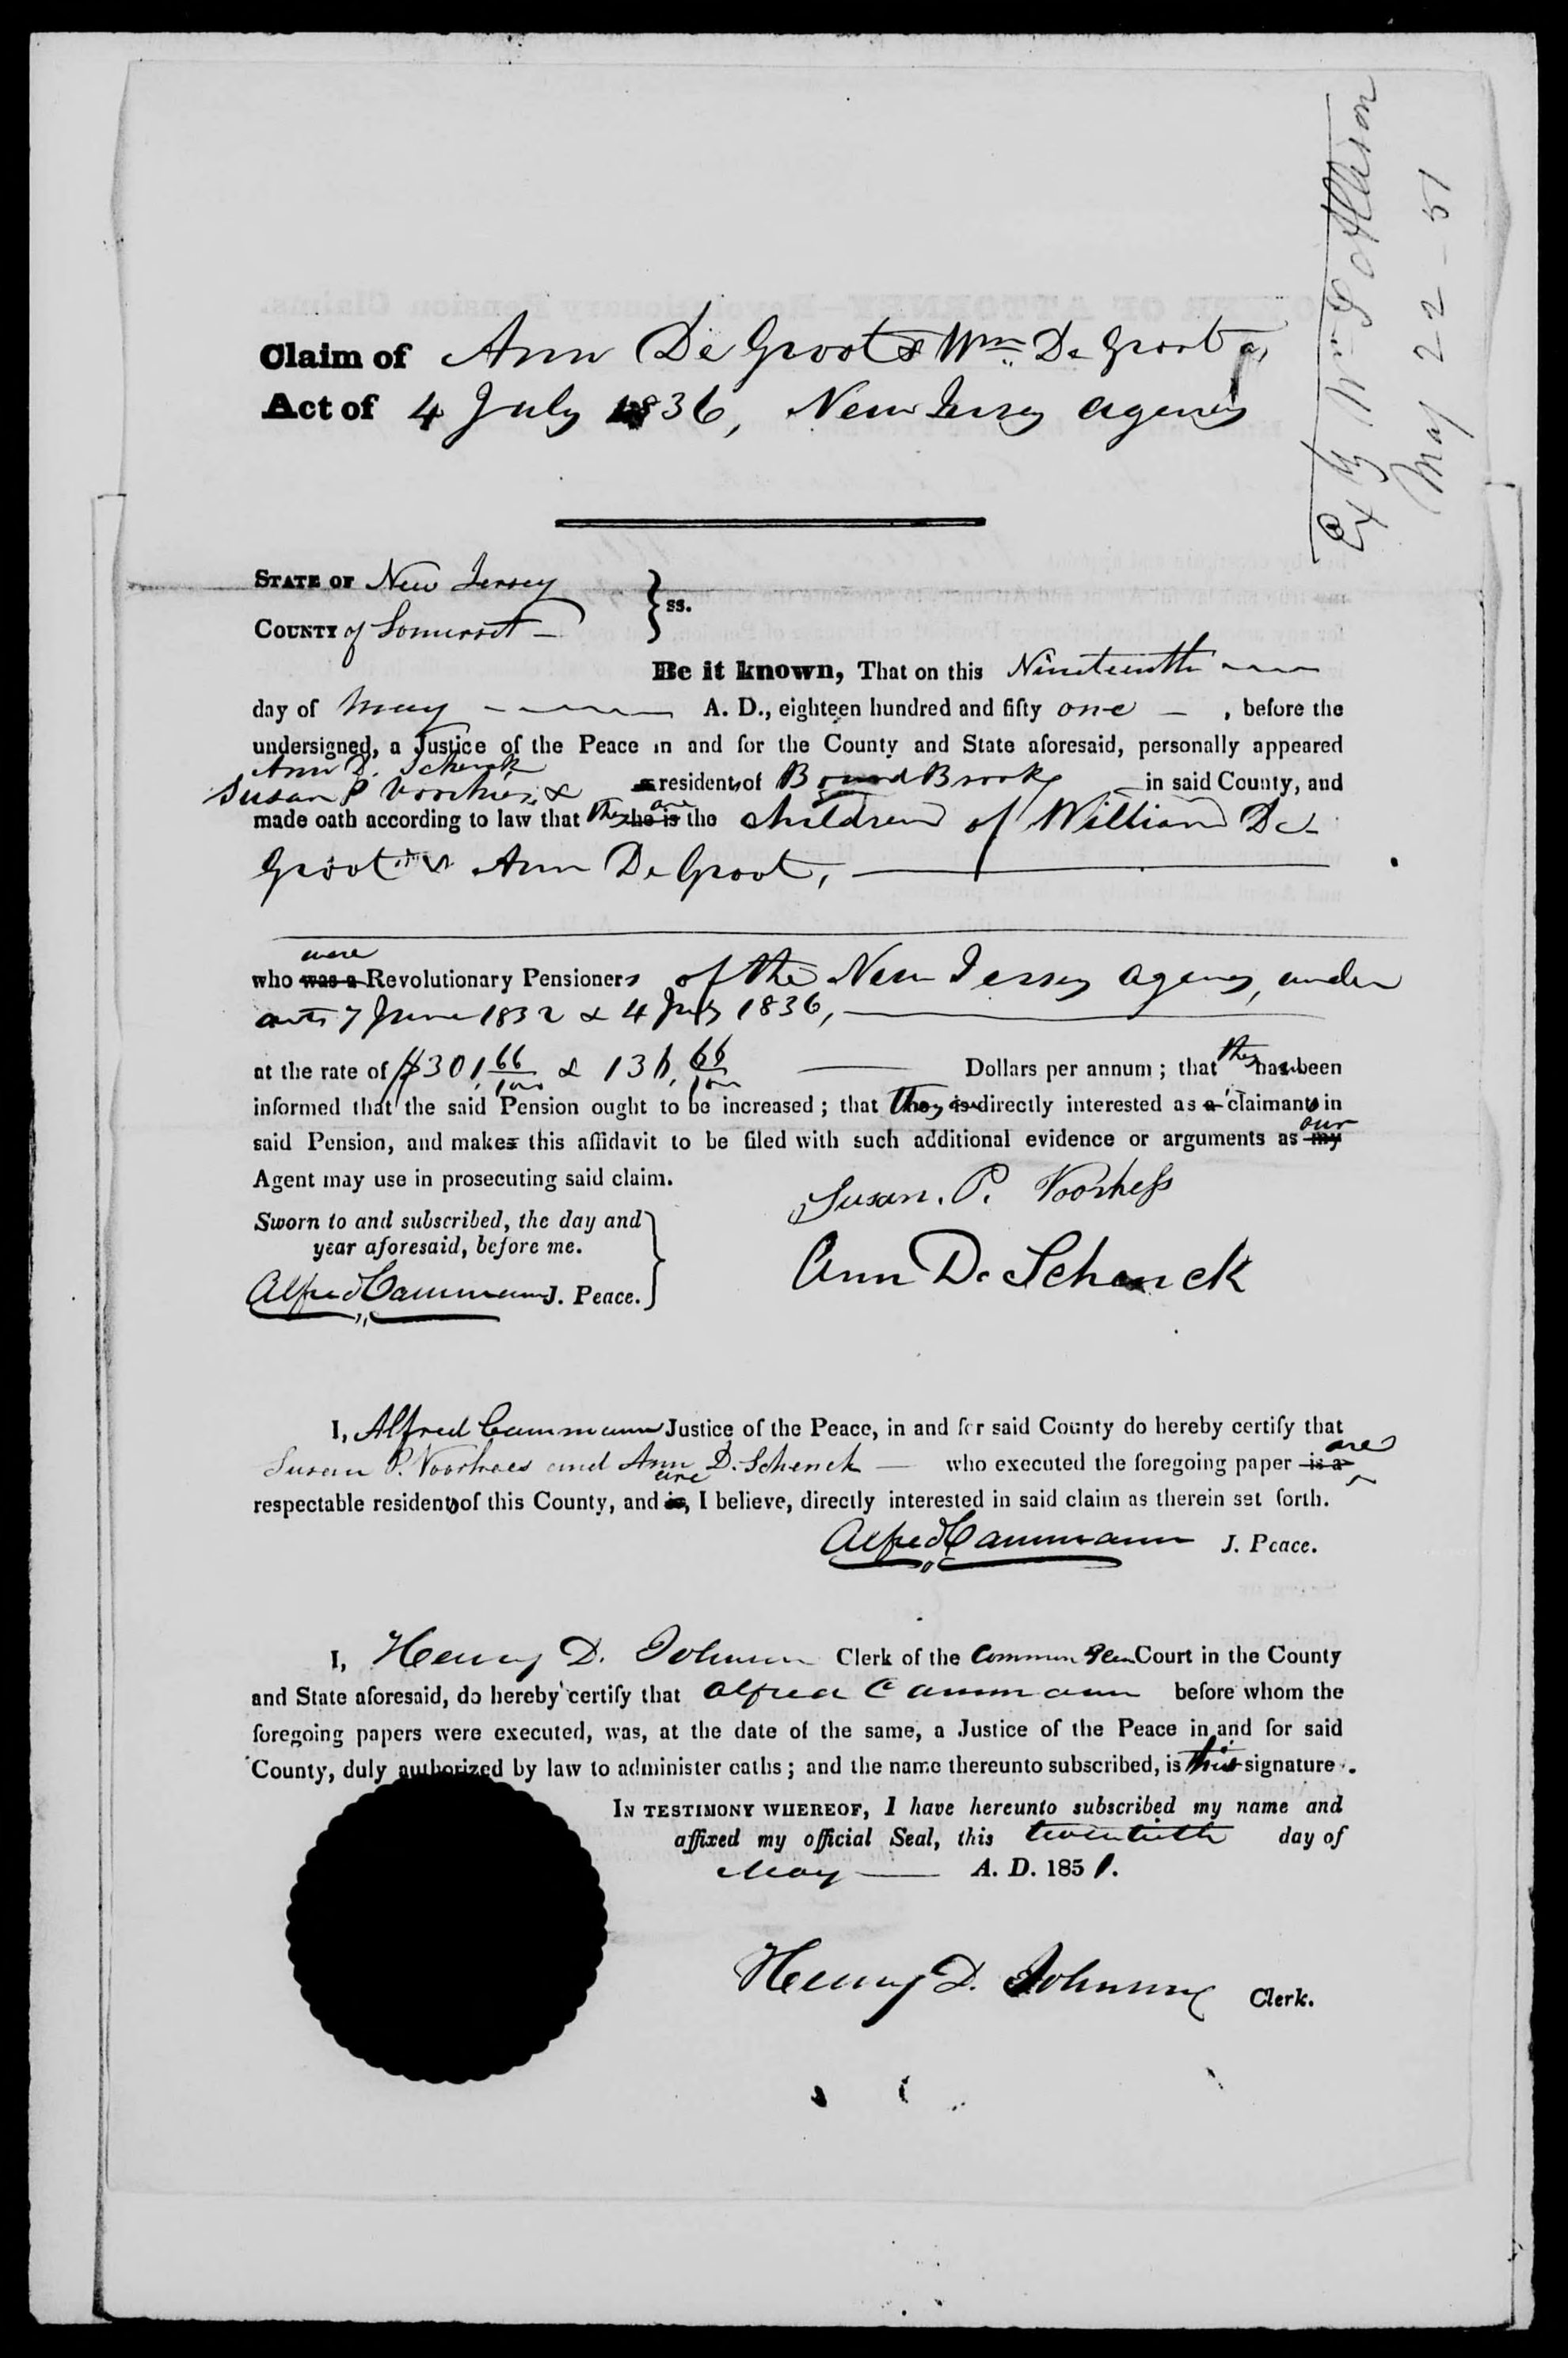Claim of Ann DeGroot + Wm De Groot, Act of 4 July 1836, New Jersey agency
STATE OF New Jersey COUNTY of Somerset}ss.
   Be it known, That on this Nineteenth day of May A.D., eighteen hundred and fifty one, before the undersigned, a Justice of the Peace in and for the County and State aforesaid, personally appeared Ann De Schenk + Susan P Voorhees, a resident of Bound Brook in said County, and made oath according to law that they are the children of William DeGroot and Ann DeGroot, who were Revolutionary Pensioners of the New Jersey agency, under acts of 7 June 1832 + 4 July 1836 at the rate of $301.66 + 136.66 Dollars per annum; that she has been informed that the said Pension ought to be increased; that they are directly interested as claimants in said Pension, and makes this affidavit to be filed with such additional evidence or arguments as our Agent may use in prosecuting this claim. Susan P Voorhees, Ann D. Schenck
Sworn to and subscribed, the day and year aforesaid, before me. Alfred Cammann, J. Peace.
I, Alfred Cammann Justice of the Peace, kn and for said County do hereby certify that Susan P. Voorhees and Ann D. Schenck - who executed the foregoing paper are respectable residents of this County and are, I believe, directly interested in said claim as therein set forth.  Alfred Cammann J. Peace.
I, Henry D. Johnson, Clerk of the Common Pleas Court in the County and State aforesaid, do hereby certify that Alfred Cammann before whom the foregoing papers were executed, was, at the date of the same Justice of the Peace in and for said County, duly authorized by law to administer oaths; and the name thereunto subscribed is his signature. IN TESTIMONY WHEREOF, I have hereunto subscribed my name and affixed my official Seal, this twentieth day of May AD 1851. Henry D Johnson Clerk.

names: Susan P Voorhess, Susan P Voorhies, Ann De Schenck, Alfred Cammann, Alfred Cammann, Wm S Allison, Henry D Johnson, Ann De Groot, Wm De Groot, Alfred Cammann, Susan P Voorhees, Ann D Schenck, Ann De Groot, Ann D Schenck, Alfred Cammann, William De Groot, Henry D Johnson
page: 15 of 77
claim: widow's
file: W. 417, William De Groot, New Jersey